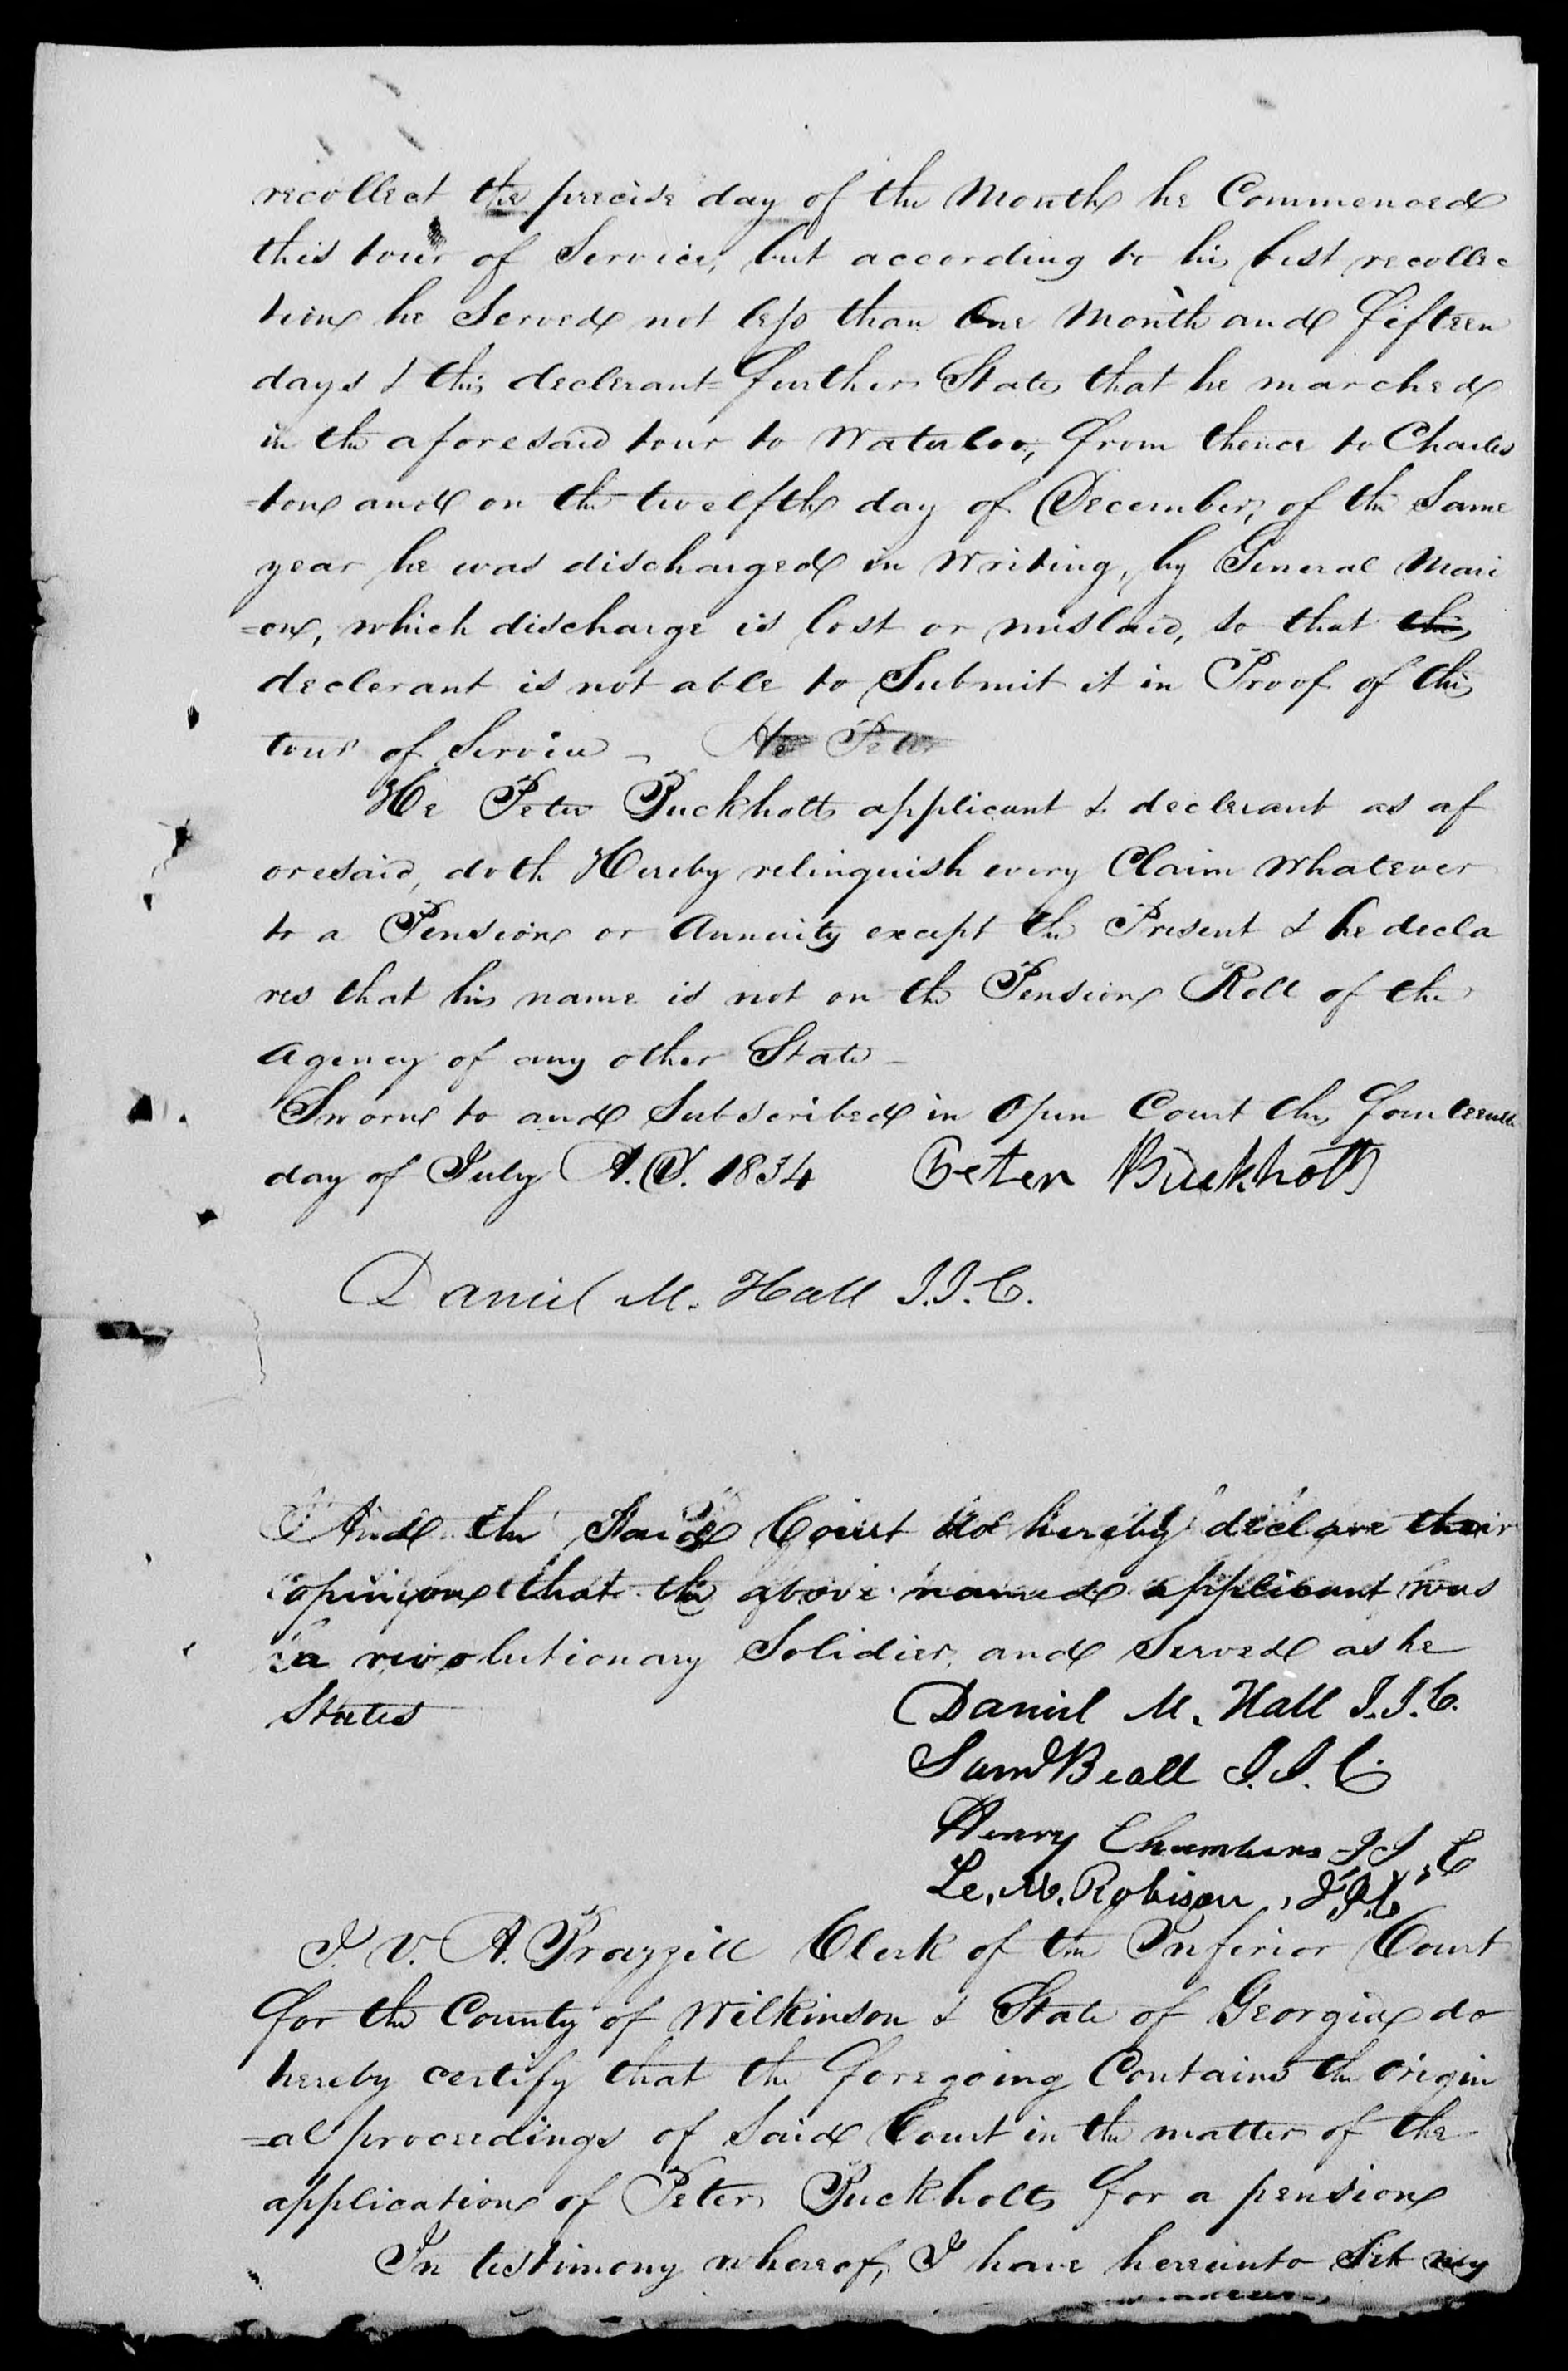recollect the precise day of the month he commenced this tour of Service, but according to his best recollection he served not less than one month and fifteen days & this declarant further States that he marched in the aforesaid tour to Waterloo, from thence to Charleston and on the twelfth day of December of the same year he was discharged in writing, by General Marion, which discharge is lost or mislaid so that the declarant is not able to submit it in Proof of this tour of service.
He Peter Buckholts applicant & declarant as aforesaid, doth hereby relinquish every claim whatever to a Pension or annuity except the present & he declares that his name is not on the Pension Roll of the Agency of any other State,
Sworn to and subscribed in open Court this fourteen day of July A.D. 1834
Peter Buckholts
Daniel M. Hall J.J.C.

And the said Court do hereby declare their opinion that the above named applicant was a revolutionary Soldier and served as he States
Daniel M. Hall J.J.C.
Saml Beall J.J.C.
Henry Chambers J.J.C.
L. M. Robison, J.J.C.
I, V. A. Brazzill Clerk of the Inferior Court for the County of Wilkinson & State of Georgia do hereby certify that the foregoing contains the original proceedings of said Court in the matter of the application of Peter Buckholts for a pension. In testimony whereof, I have hereunto set my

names: Saml Beall, L M Robison, Peter Buckholts, Peter Buckholts, Daniel M Hall, V A Brazzill, Marion, Daniel M Hall, Charles, Henry Chambers, Peter Buckholts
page: 8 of 23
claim: rejected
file: R. 1465, Peter Buckholts, S.C.